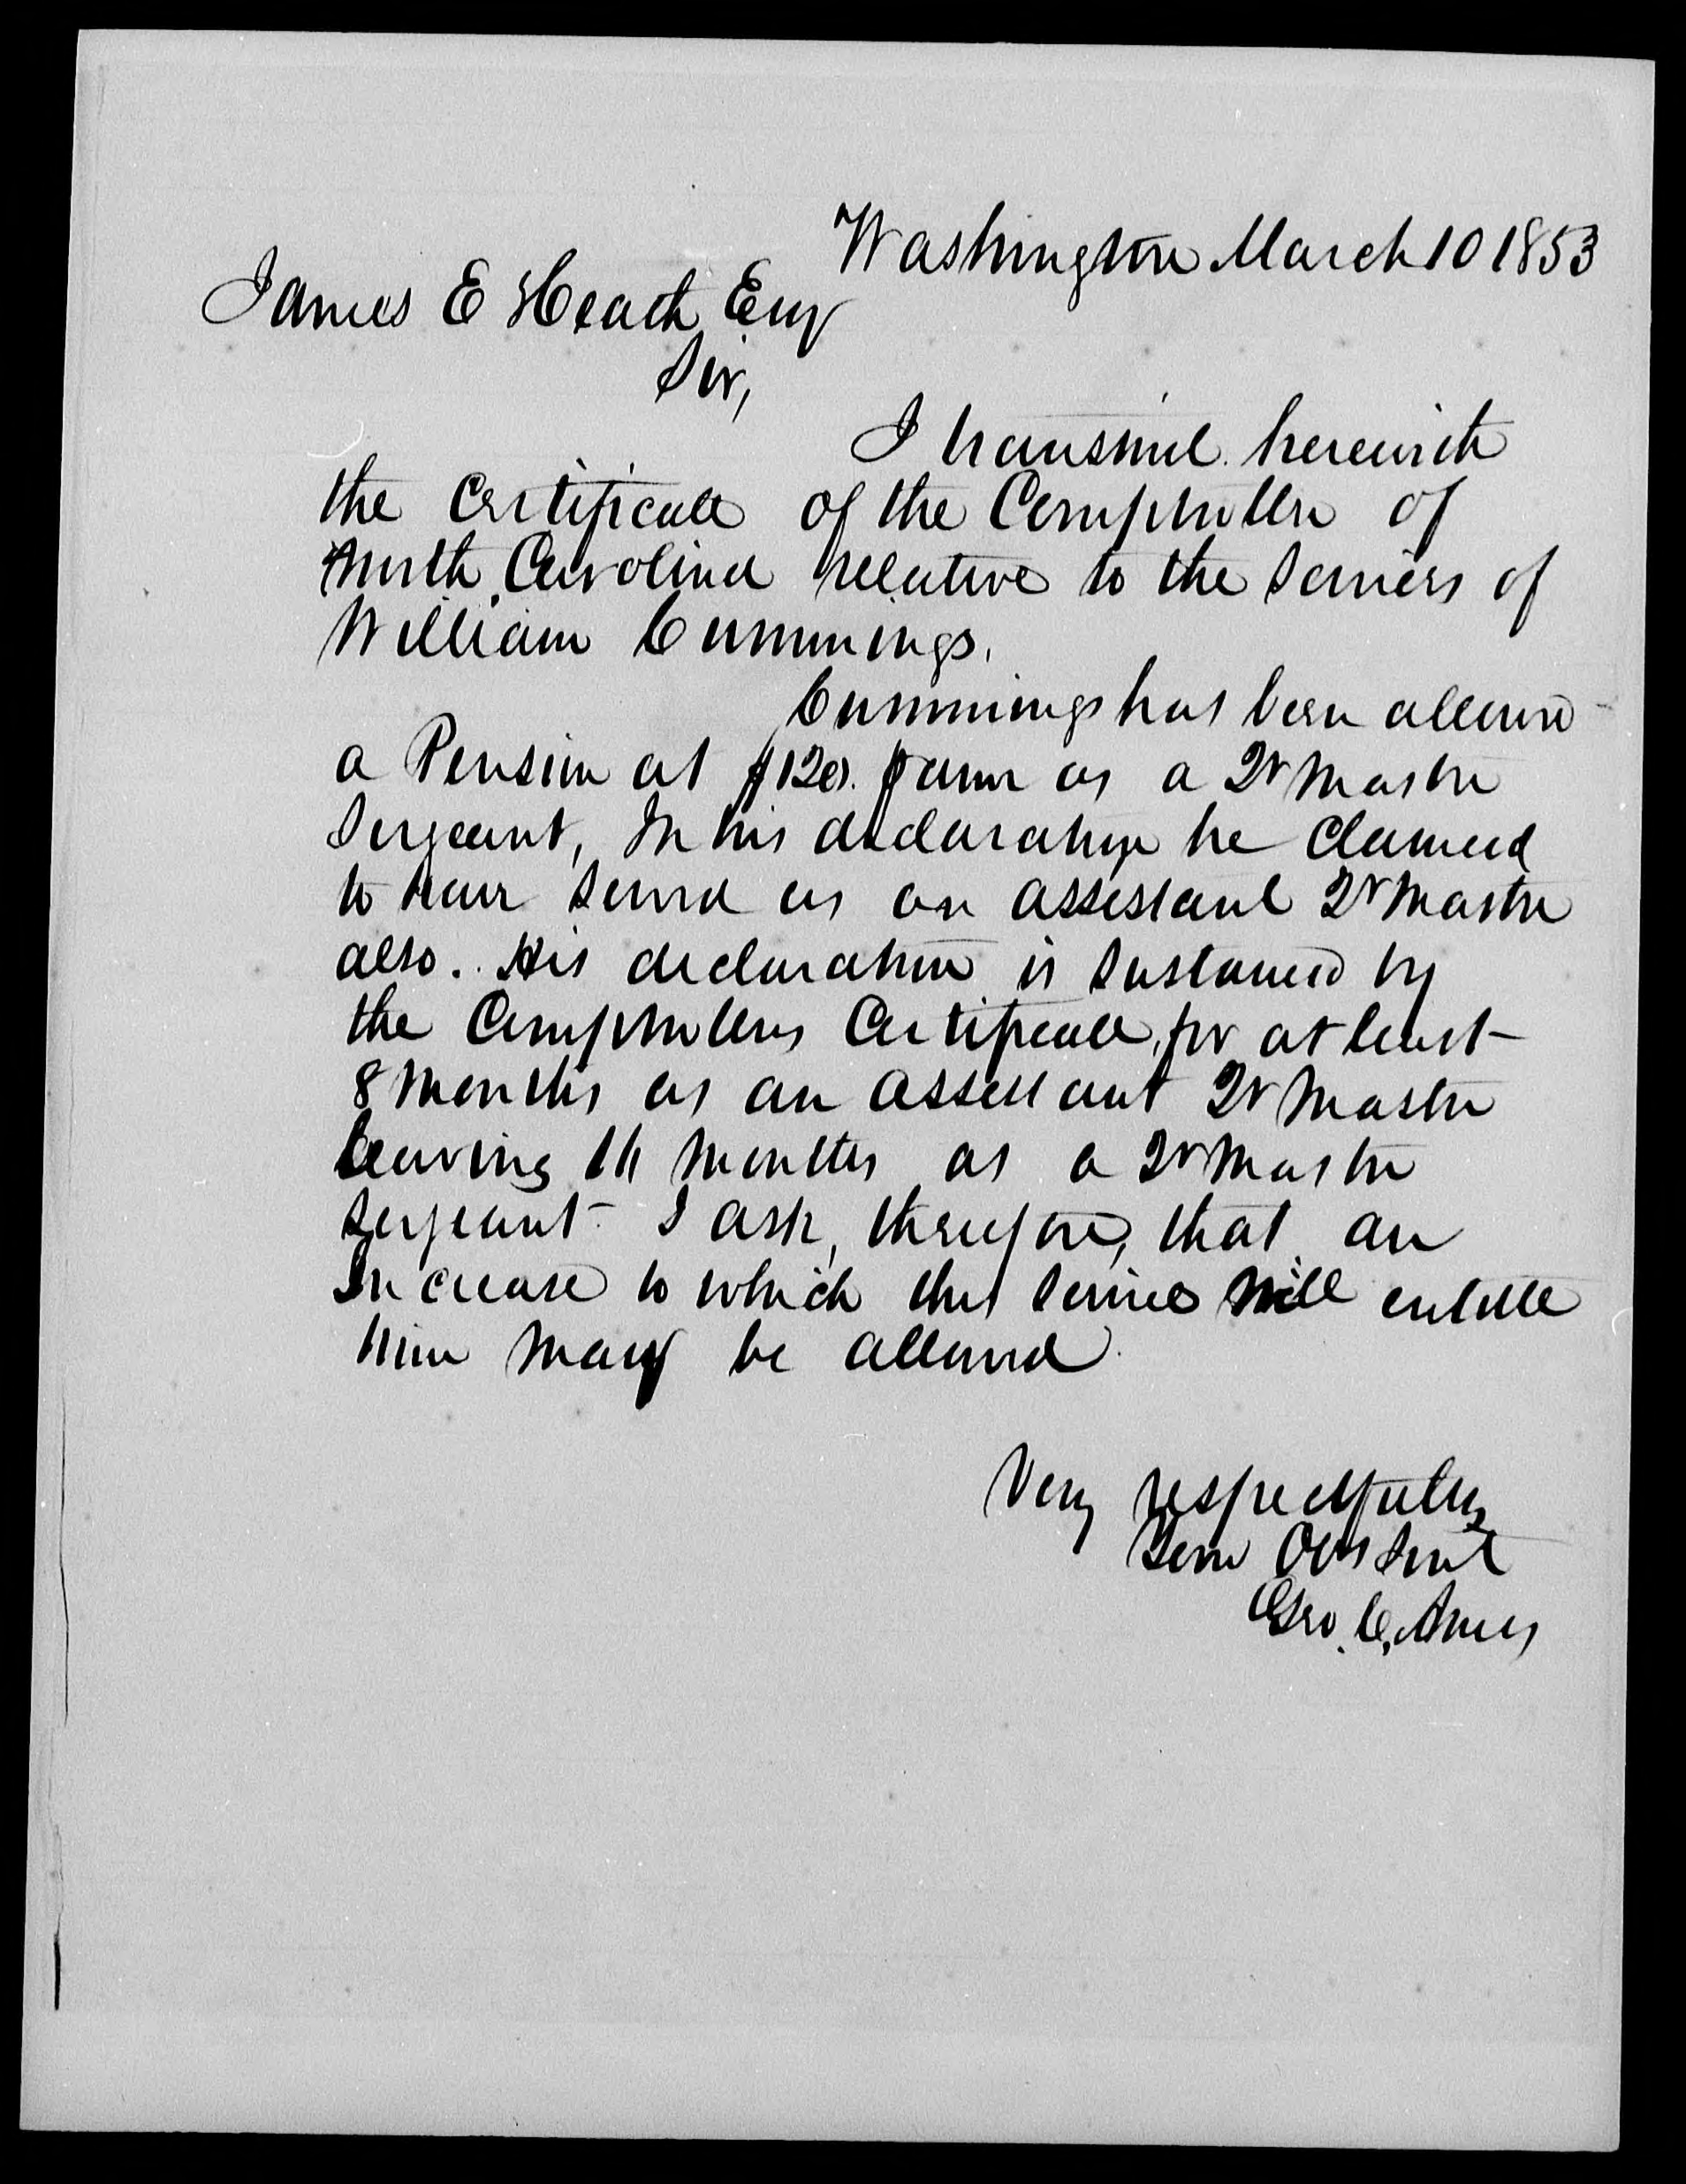[Handwritten letter]

Washington March 10 1853

James E Heath Esq [Esquire]

Sir,

I transmit herewith the Certificate of the Comptroller of North Carolina relative to the Services of William Cummings,

Cummings has been allowed a Pension at $120 p anm [per annum] as a Qr [Quarter] Master Serjeant [Sergeant], In his declaration he Claimed to have Served as an Assistant Qr [Quarter] Master also.  His declaration is Sustained by the Comptrollers Certificate for at least 8 Months as an Assistant Qr [Quarter] Master Serving 14 [or 16] Months as a Qr [Quarter] Master Serjeant [Sergeant].  I ask, therefore, that an Increase to which the Service [here there was an erasure with the word "will" written over it] entitle him May be allowed.

Very respectfully,
Your Obt Servt [Your Obedient Servant]
Geo. C. Ames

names: James E Heath, William Cummings, Cummings, Geo C Ames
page: 73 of 145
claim: survivor's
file: S. 8265, William Cumming, N.C.